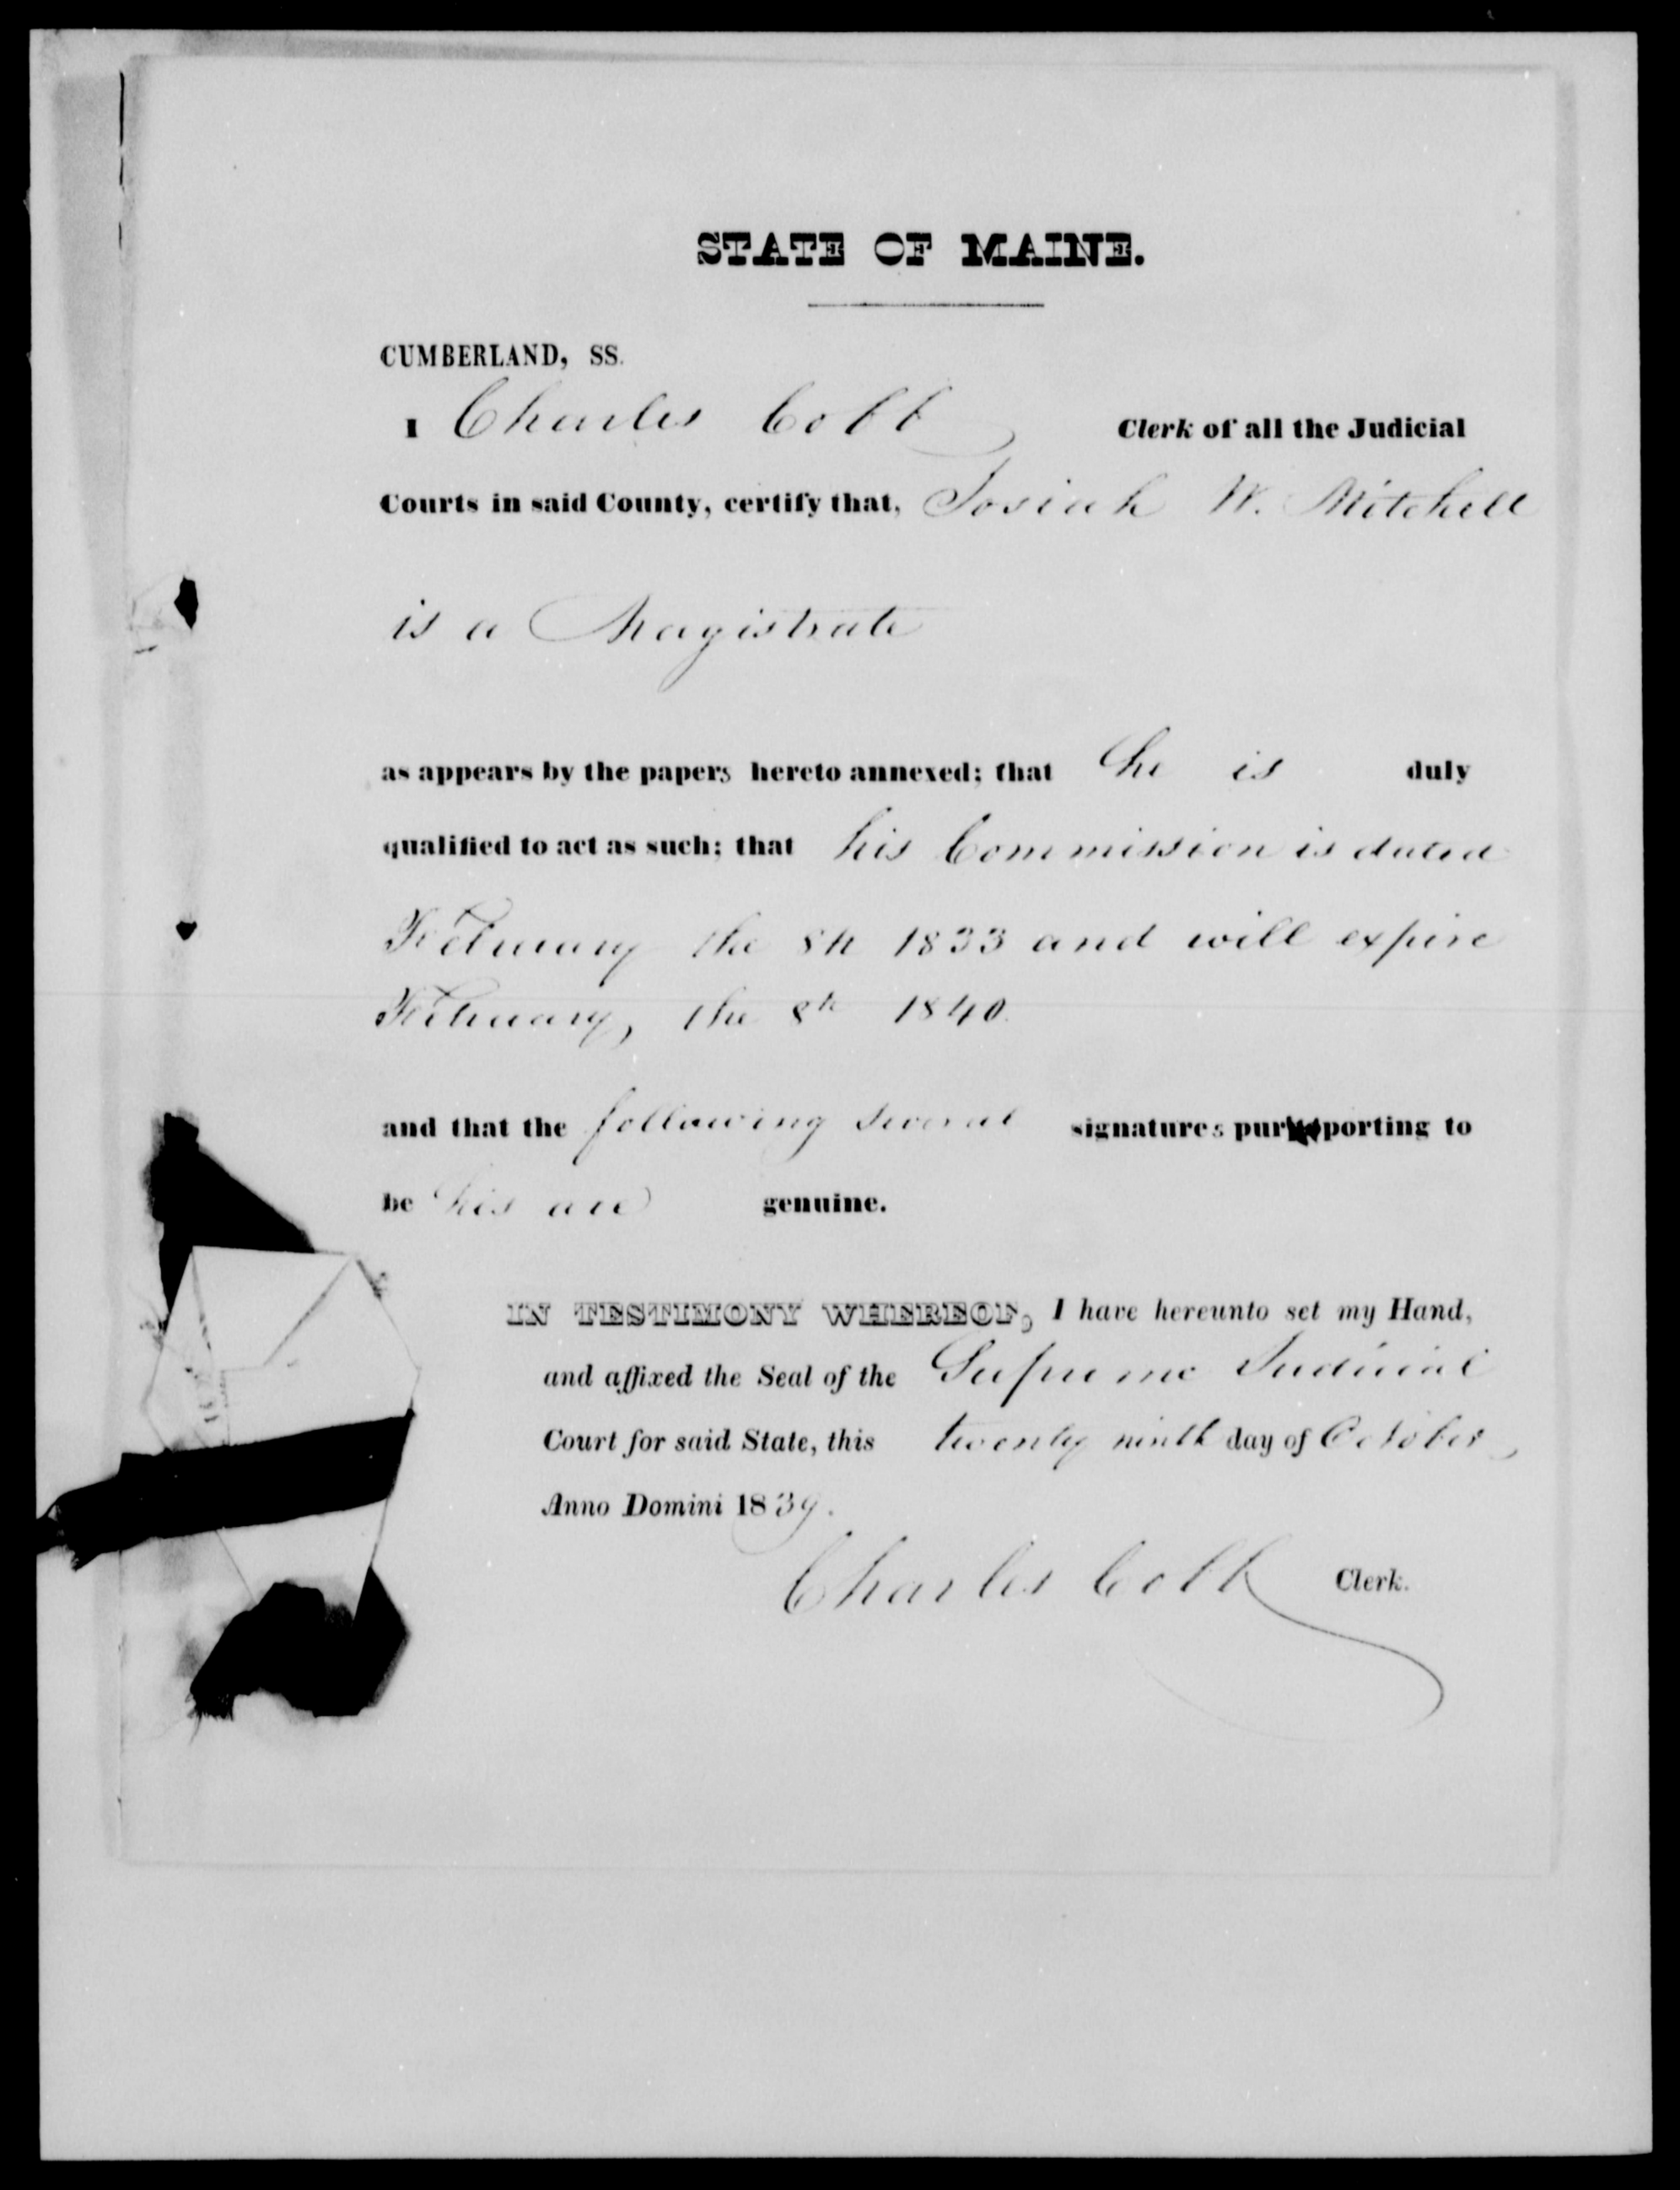[doc is printed & written; athe remnant of a seal is located in lower left corner]

STATE OF MAINE 
[line]
CUMBERLAND, SS
I Charles Cobb Clerk of all Judicial
Courts in said County, certify that Josiah W. Mitchell
is a Magistrate
as appears by the papers hereto annexed; he is duly
qualified to act as such; that his Commission is dated
February the 8th 1833 and will expire
February the 8th 1840
and that the following several signatures pur[2 letters crossed out]porting to
be his are genuine.
IN TESTIMONY WHEREOF, I have hereunto set my Hand
and affixed the Seal of the Supreme Judicial
Court for said State, this twenty ninth day of October
Anno Domini 1834.
Charles Cobb Clerk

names: Charles Cobb; Josiah W Mitchell; Charles Cobb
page: 5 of 20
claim: widow's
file: W. 22,200, for James Sherman, Massachusetts